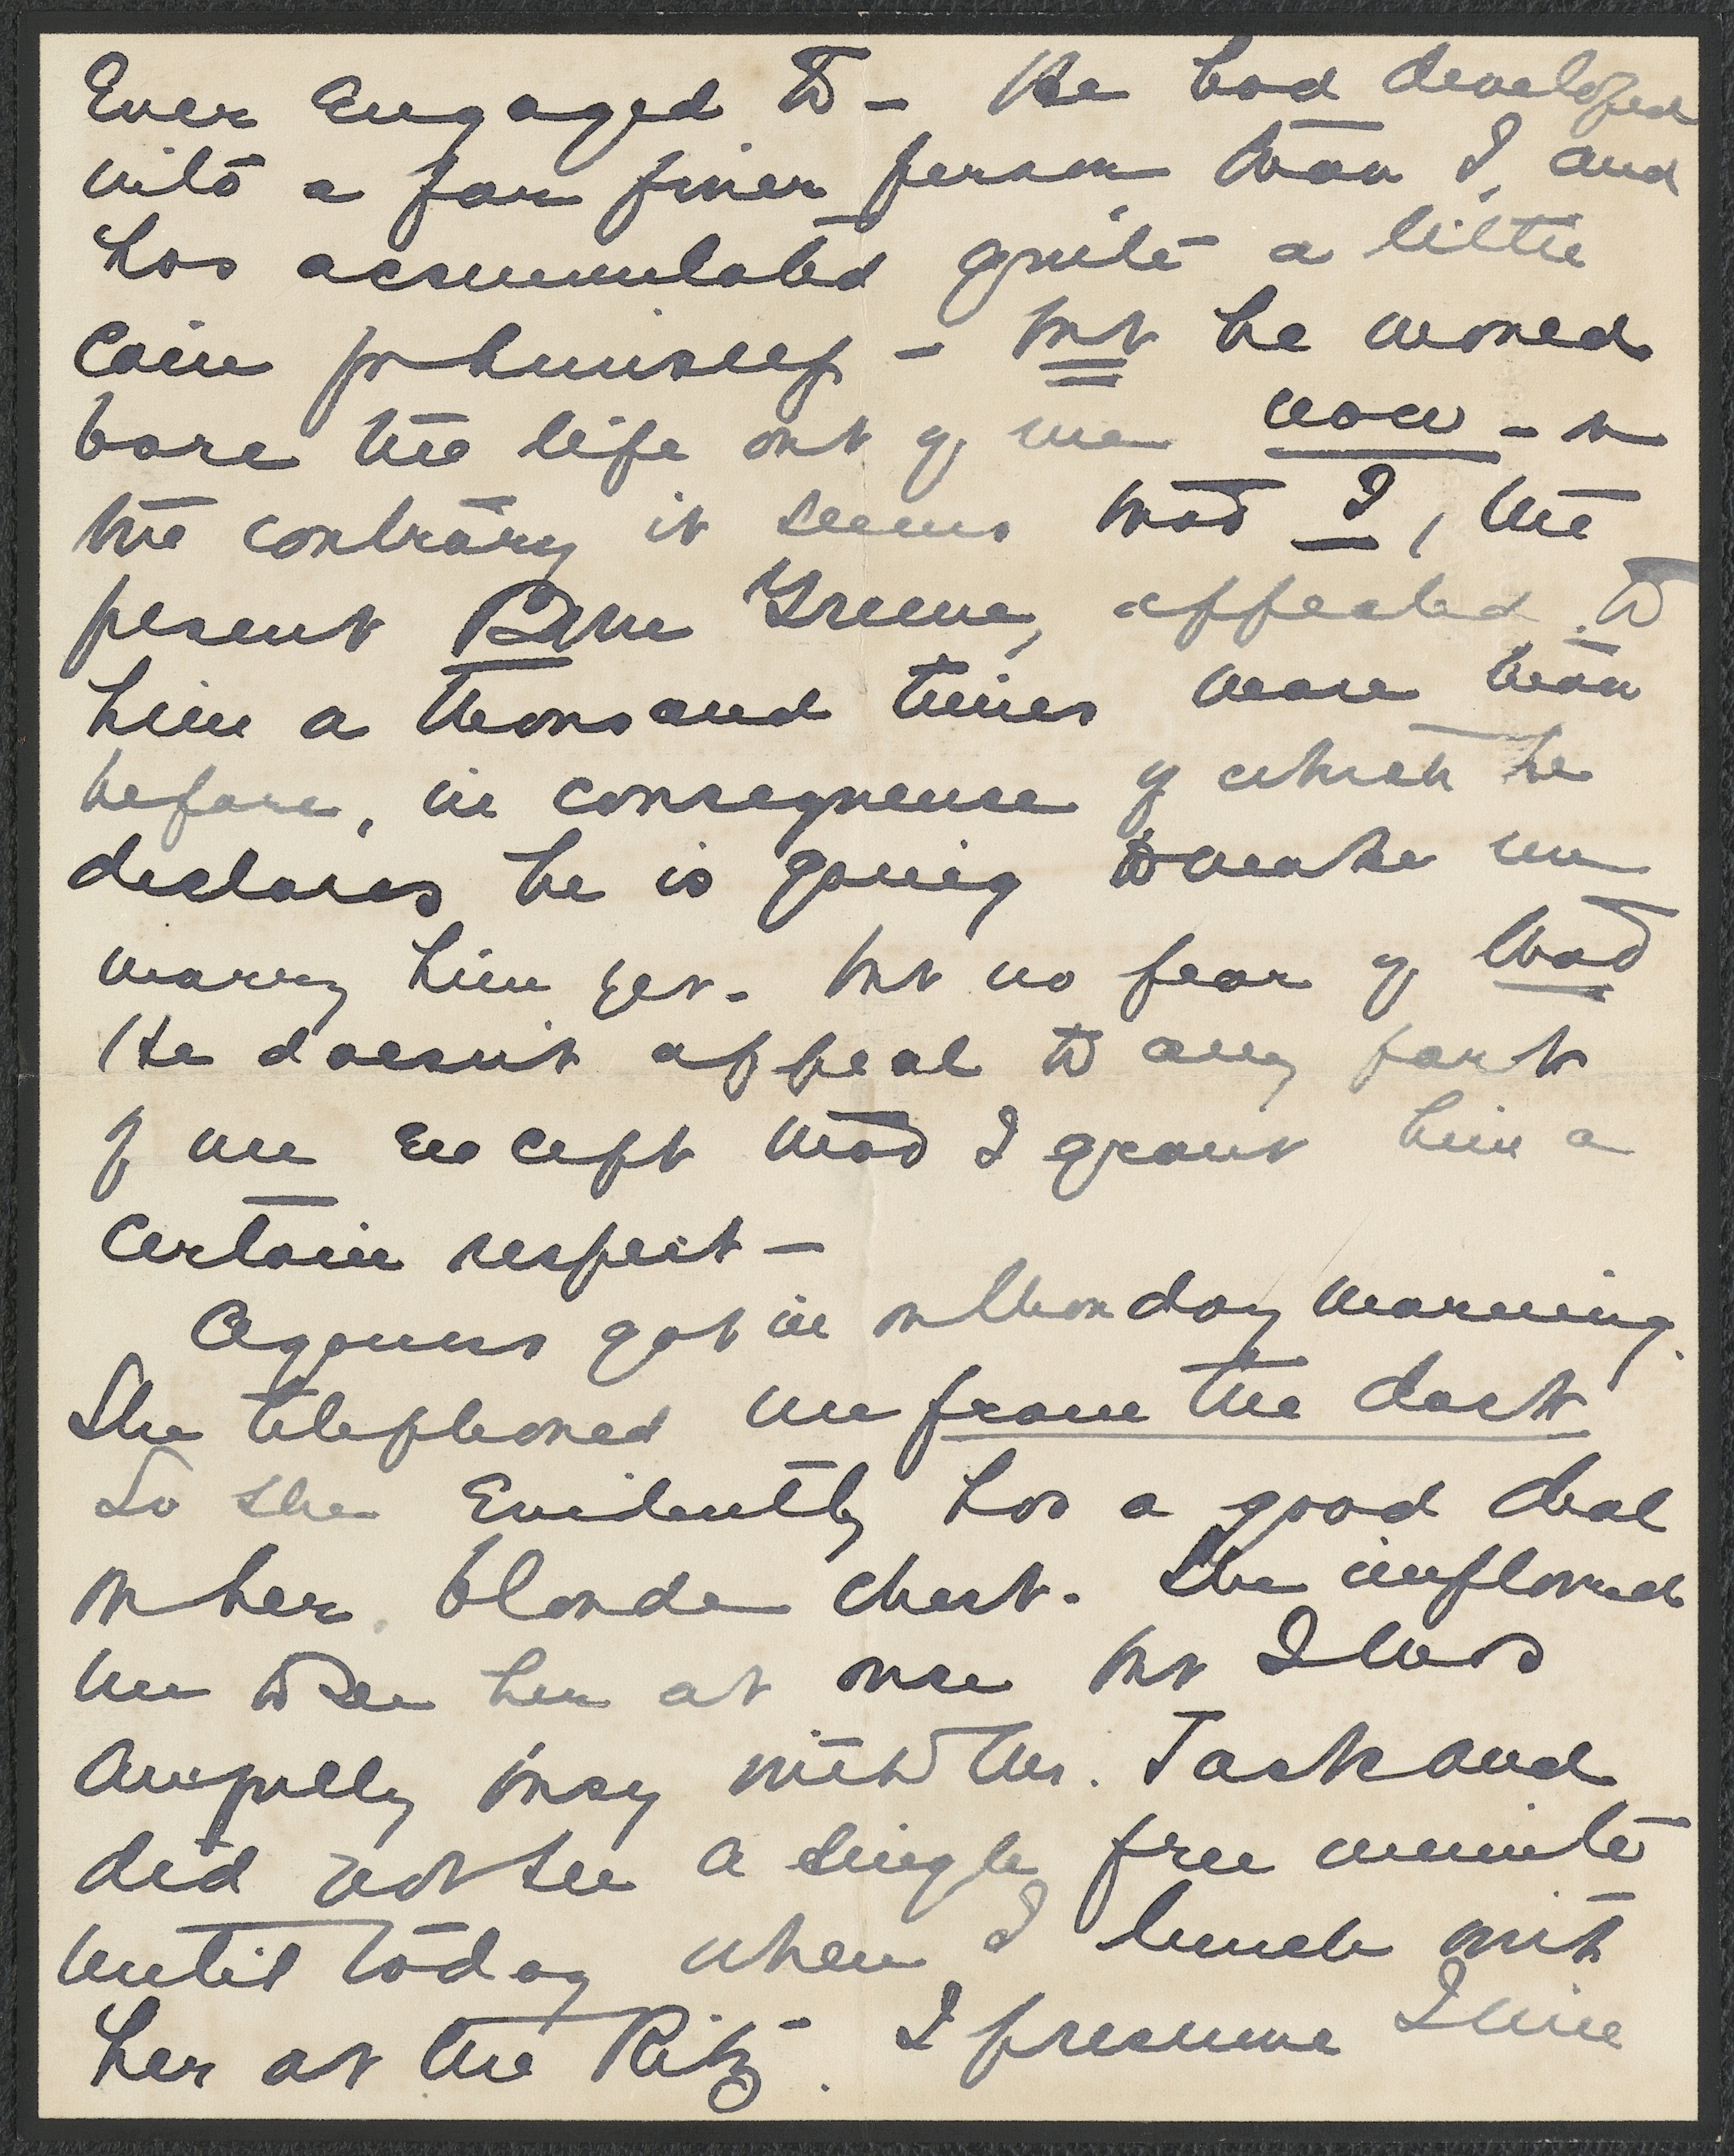Ever engaged to – He had developed into a far finer person than I, and has accumulated quite a little coin for himself – [double underlined: but] he would bore the life out of me now – on the contrary it seems that I, the present Belle Greene, appealed to him a thousand times more than before, in consequence of which he declares he is going to make me marry him yet – but no fear of that He doesn’t appeal to any part of me except that I grant him a certain respect –
Agoness got in on Monday morning. She telephoned me from the dock
So she evidently has a good deal on her blonde chest. She implored me to see her at once but I was awfully busy with Mr. Jack and did not see a single free minute until today when I lunch with her at the Ritz. I presume I will